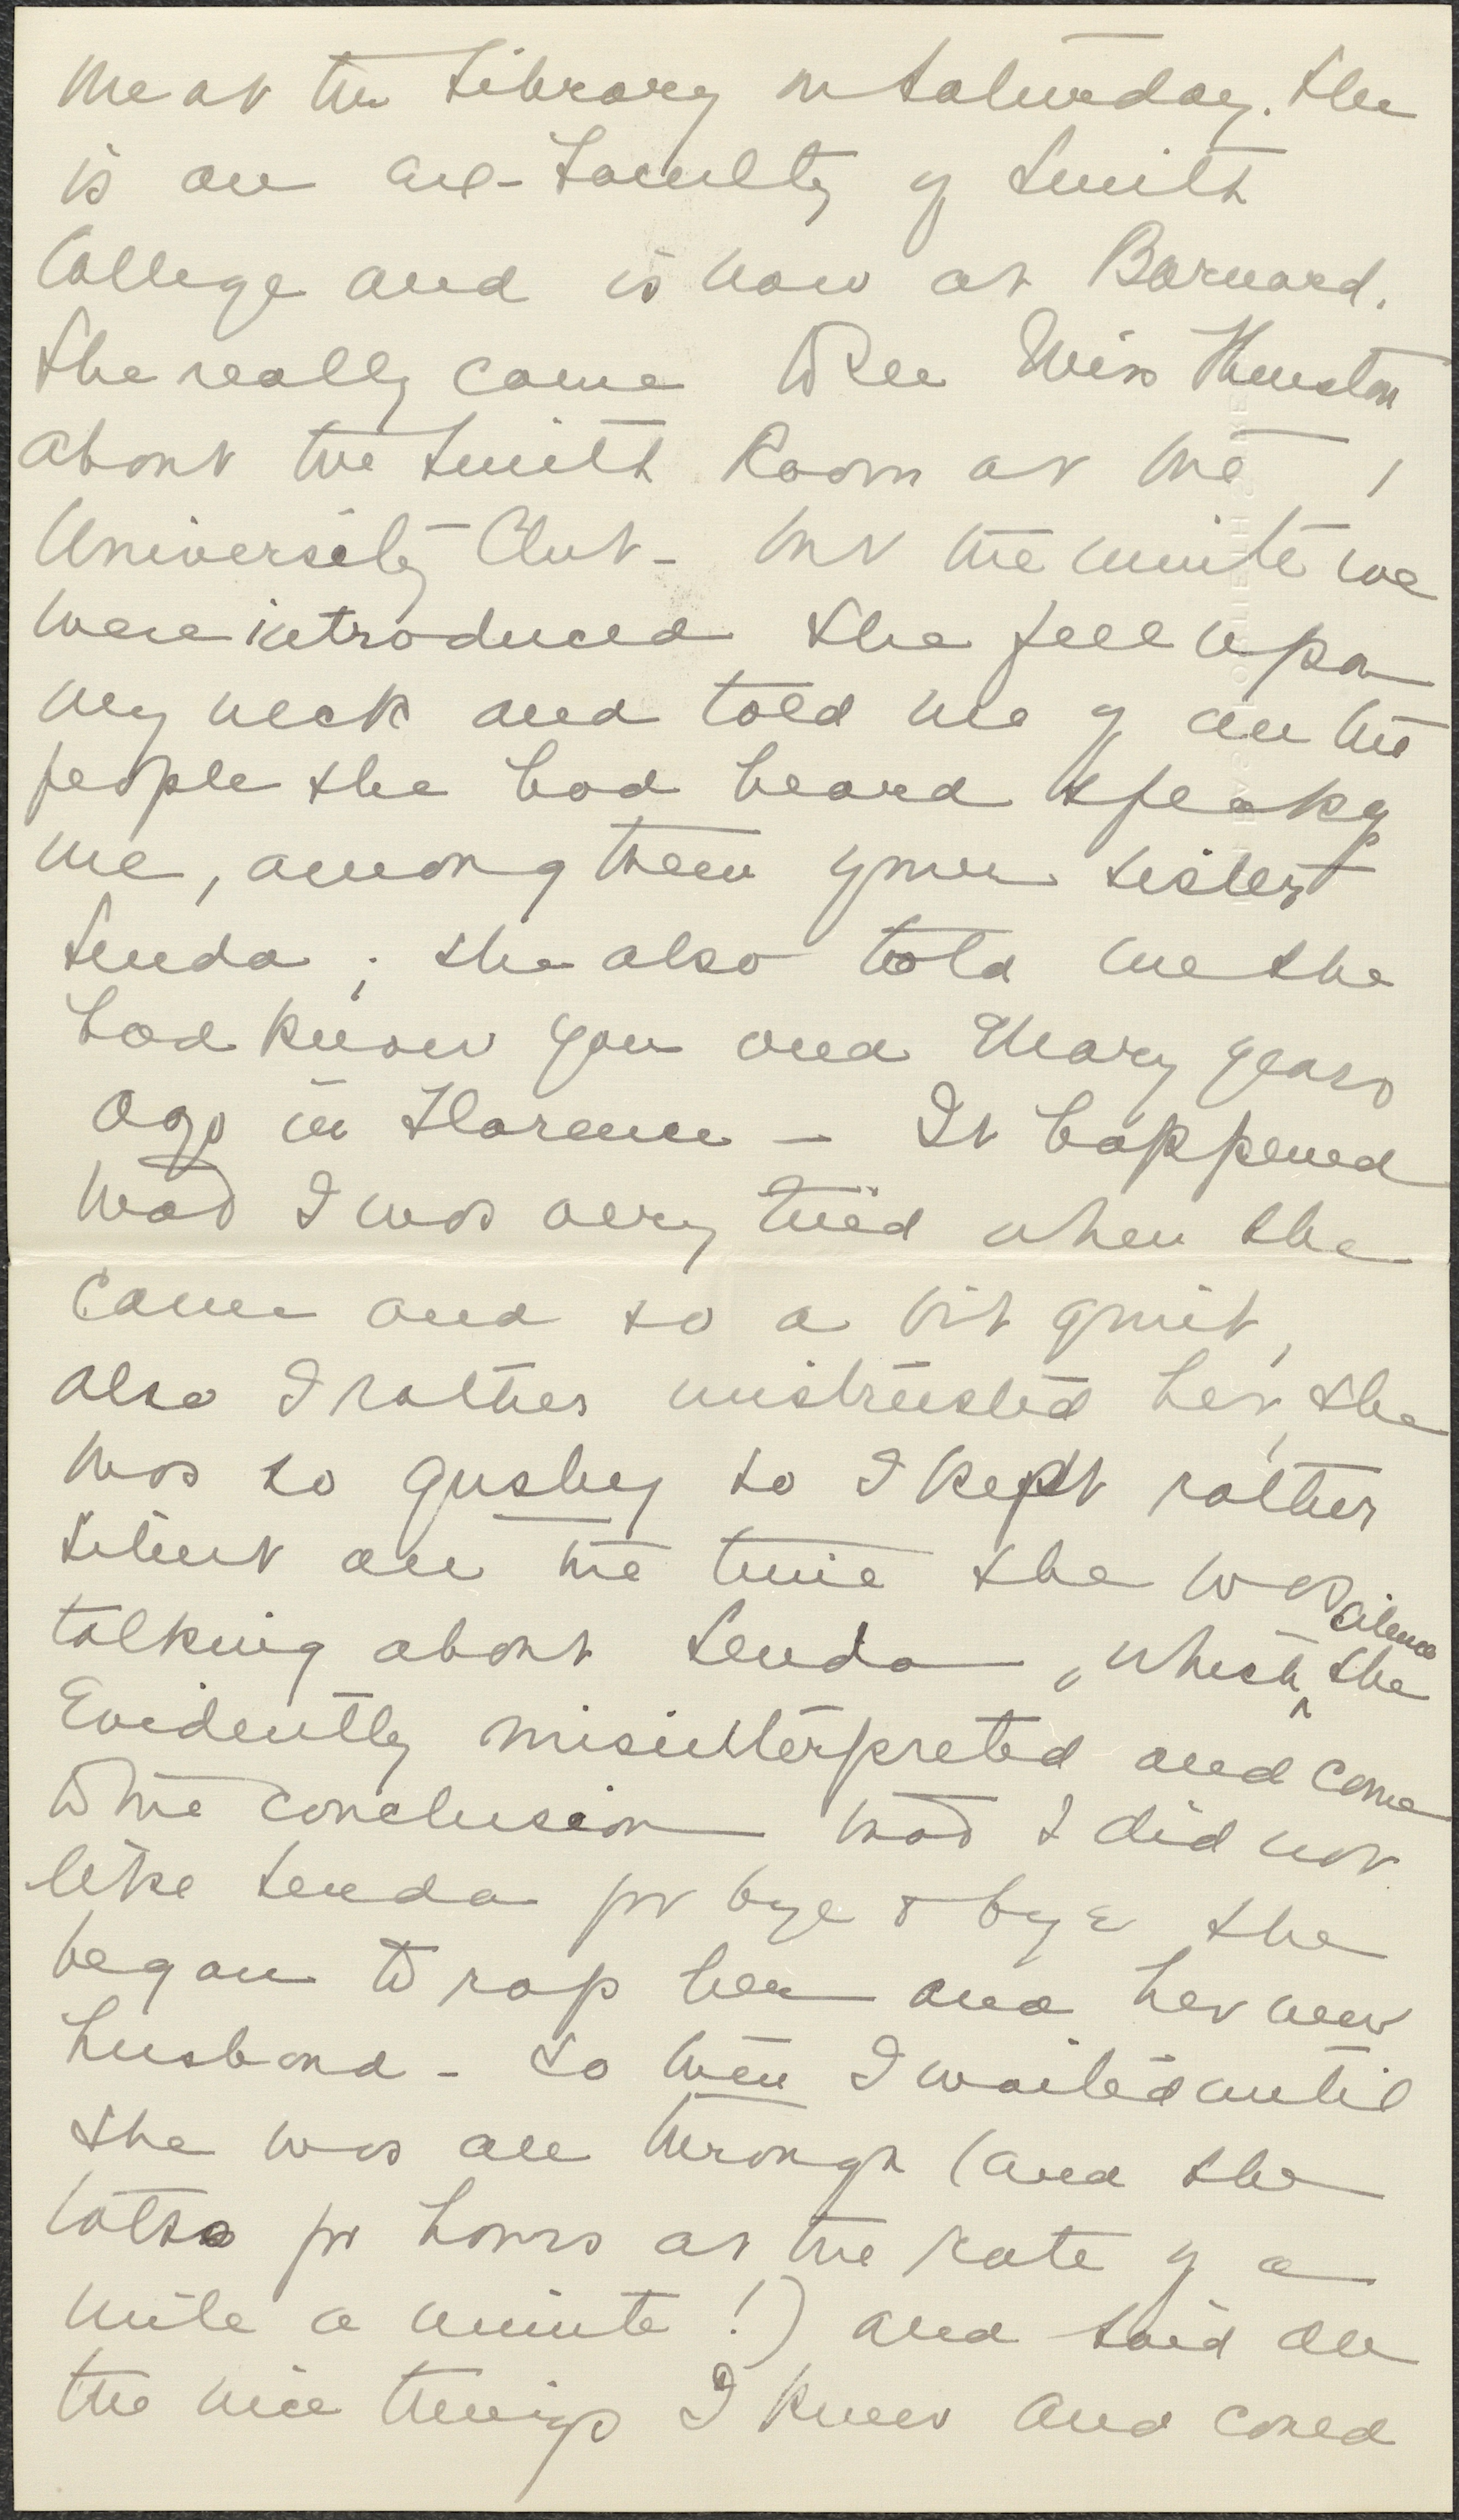me at the Library on Saturday. She is an ex-faculty of Smith College and is now at Barnard. She really came to see Miss Thurston about the Smith Room at the University Club – but the minute we were introduced she fell upon my neck and told me of all the people she had heard speak of me, among them your sister Senda; she also told me she had know [sic] you and Mary years ago in Florence – It happened that I was very tired when she came and so a bit quiet, also I rather mistrusted her, she was so gushy so I kept rather silent all the time she was talking about Senda, which [^silence^] she evidently misinterpreted and came to the conclusion that I did not like Senda for bye & bye she began to rap her and her new husband – so then I waited until she was all through (and she talks for hours at the rate of a mile a minute!) and said all the nice things I knew and could